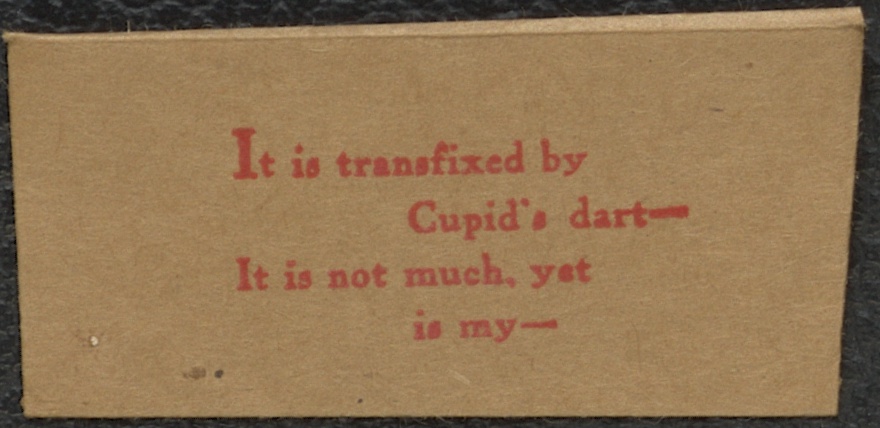[11]
It is transfixed by
Cupid’s dart—
It is not much, yet
is my—]